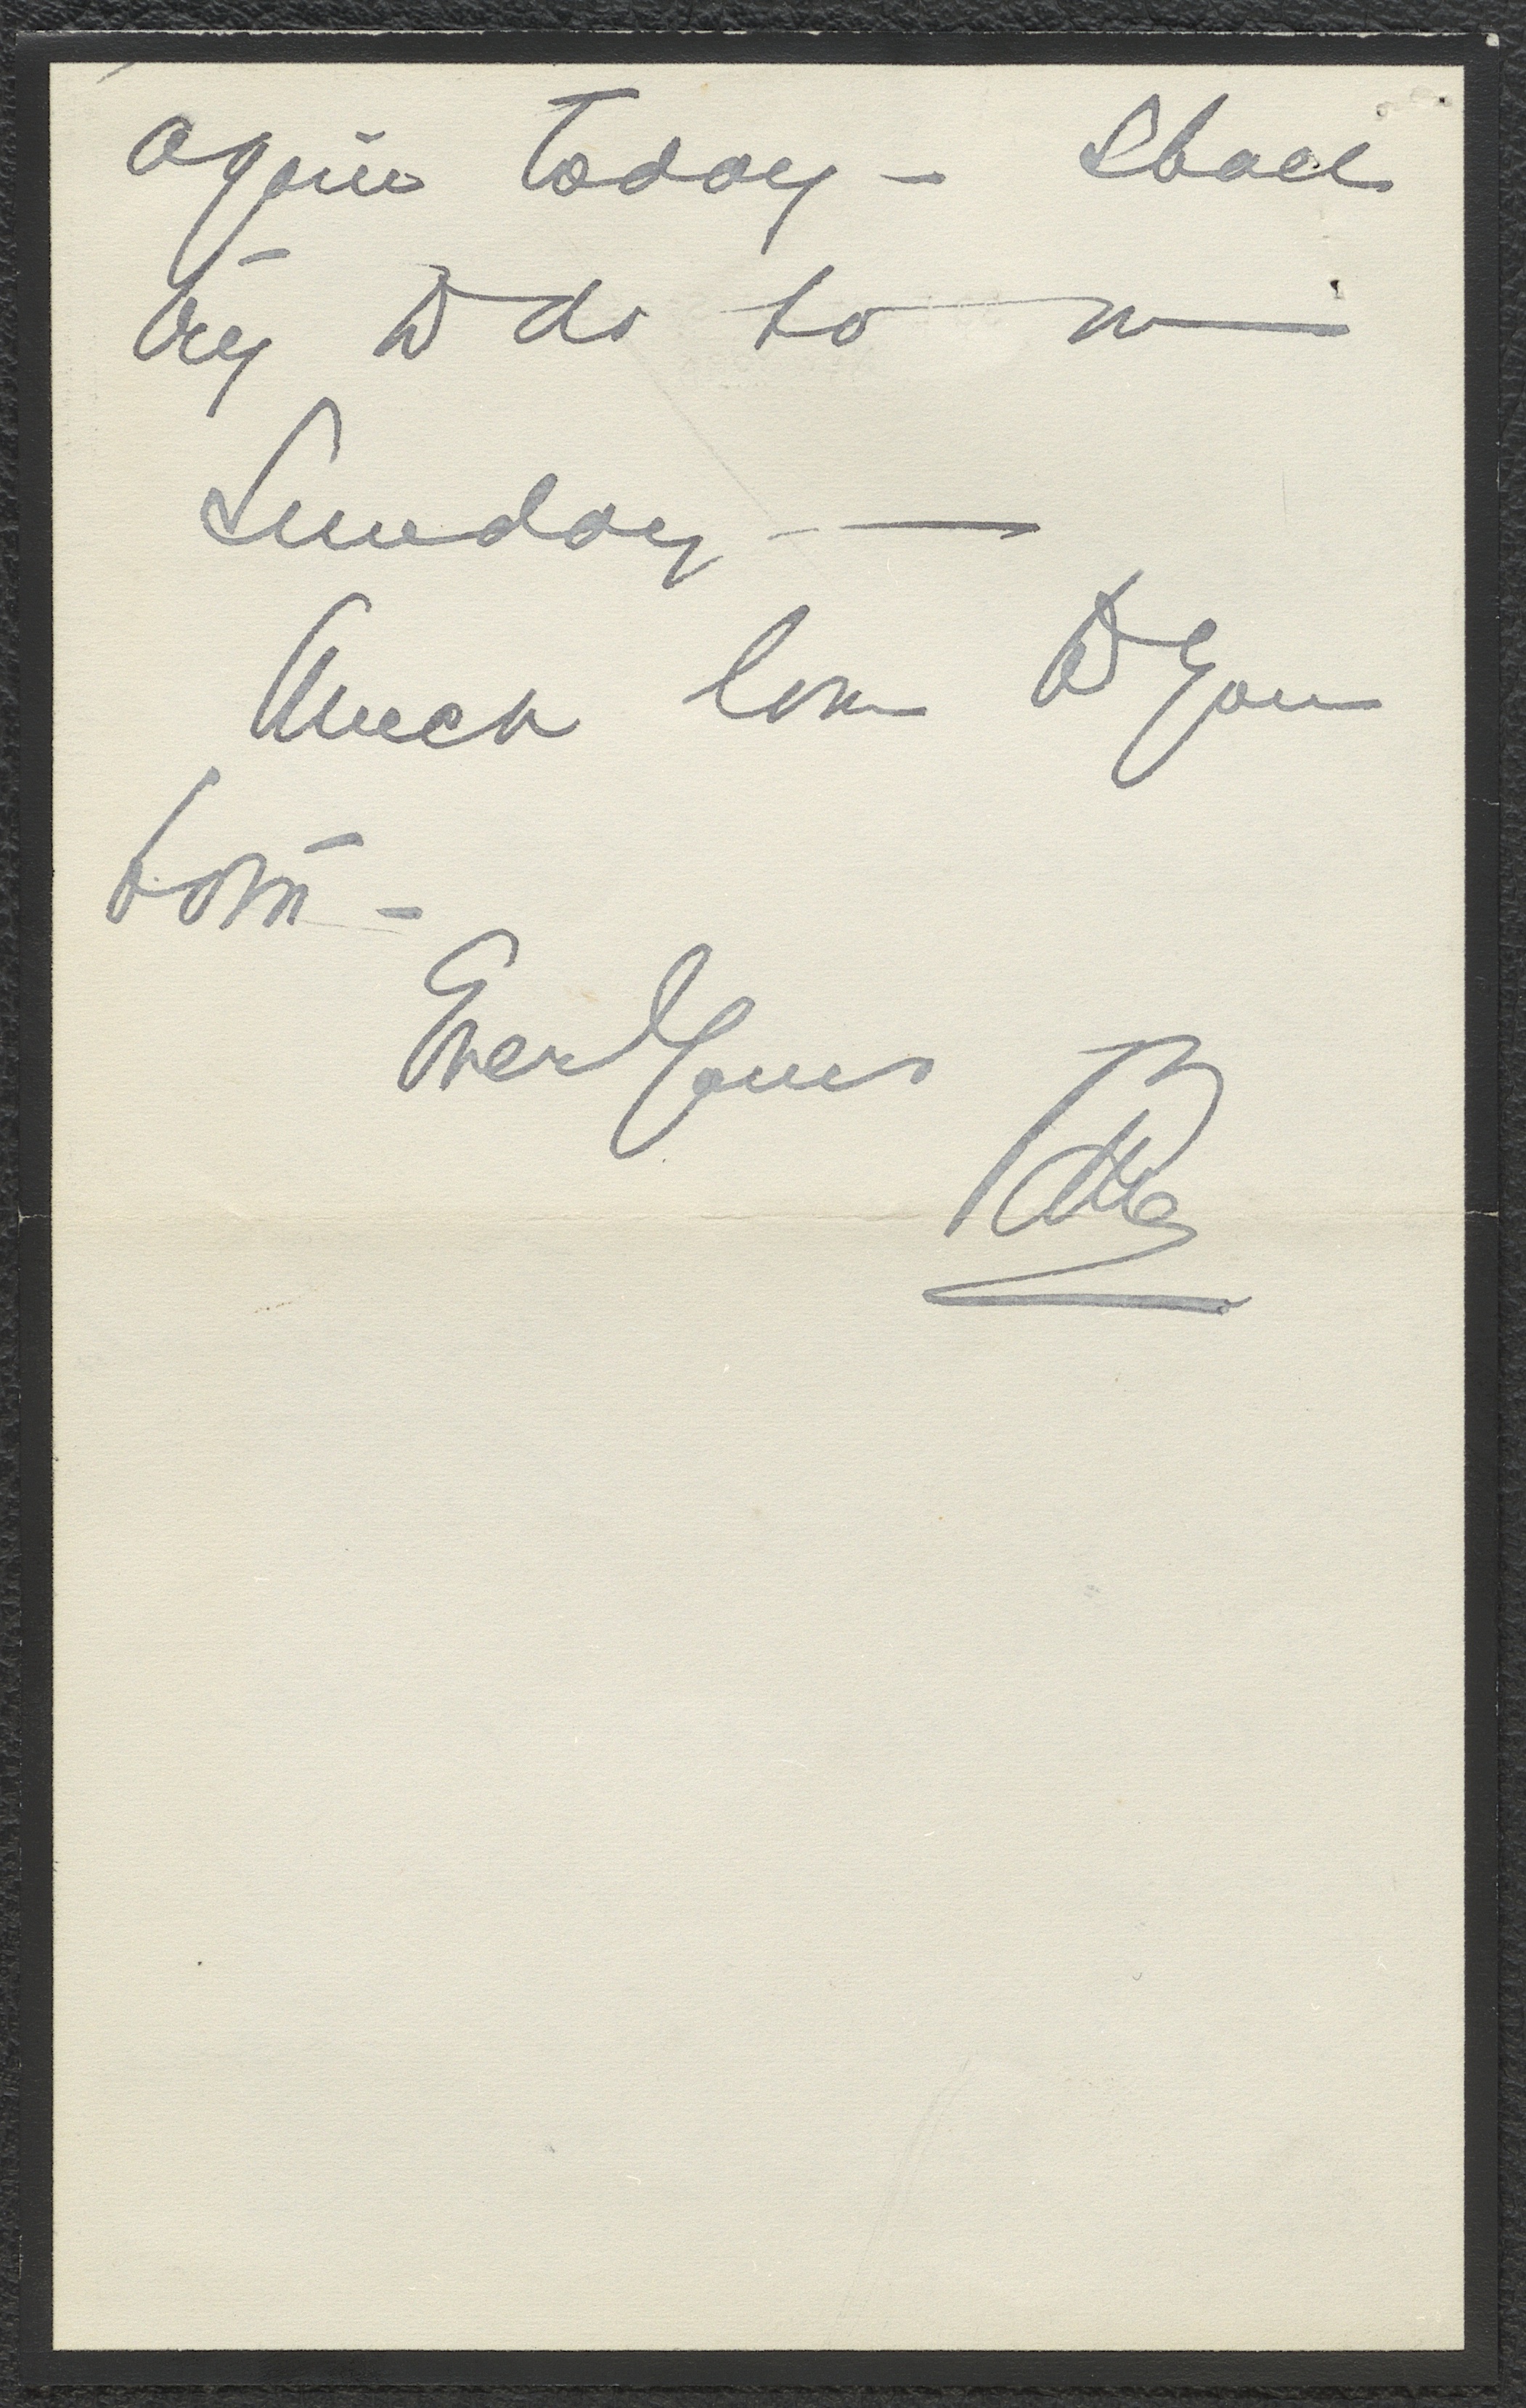again today – Shall try to do so on
Sunday –
Much love to you both –
Ever yours
Belle